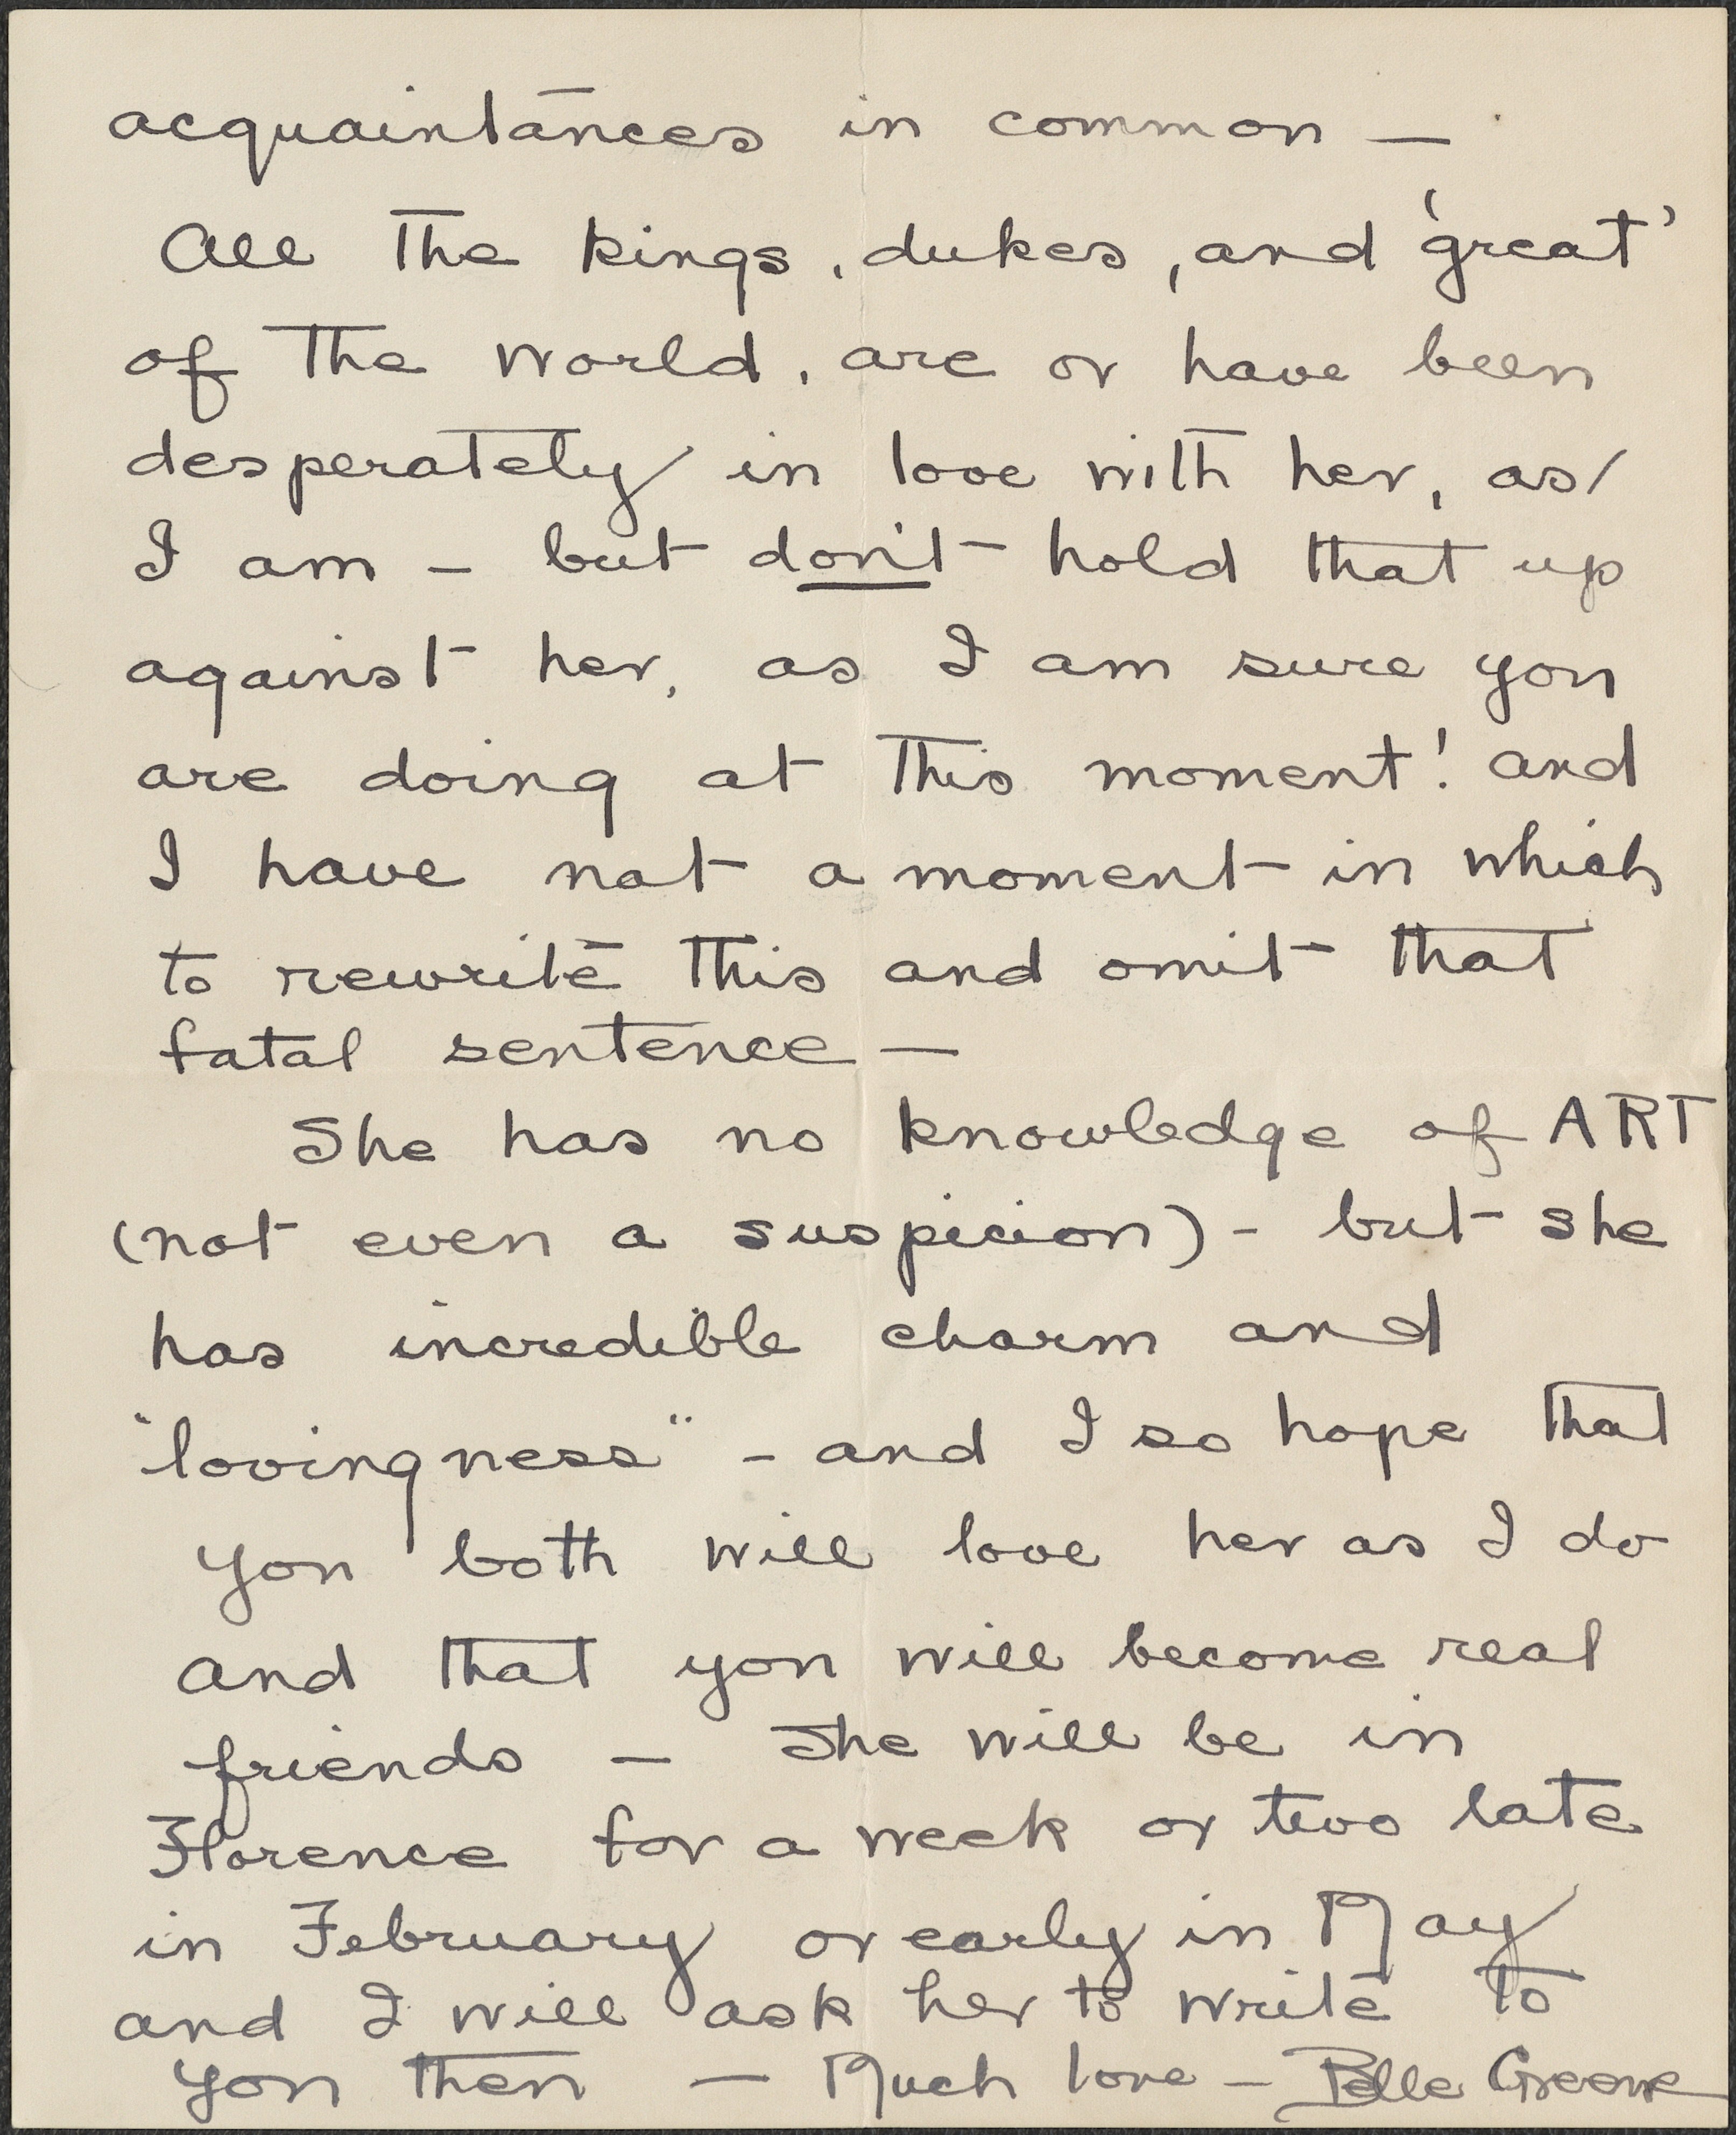acquaintances in common –
All the kings, dukes, and ‘great’ of the world, are or have been desperately in love with her, as I am – but don’t hold that up against her, as I am sure you are doing at this moment! And I have not a moment in which to rewrite this and omit that fatal sentence –
She has no knowledge of ART (not even a suspicion) – but she has incredible charm and “lovingness” – and I so hope that you both will love her as I do and that you will become real friends – She will be in Florence for a week or two late in February or early in May and I will ask her to write to you then – Much love – Belle Greene